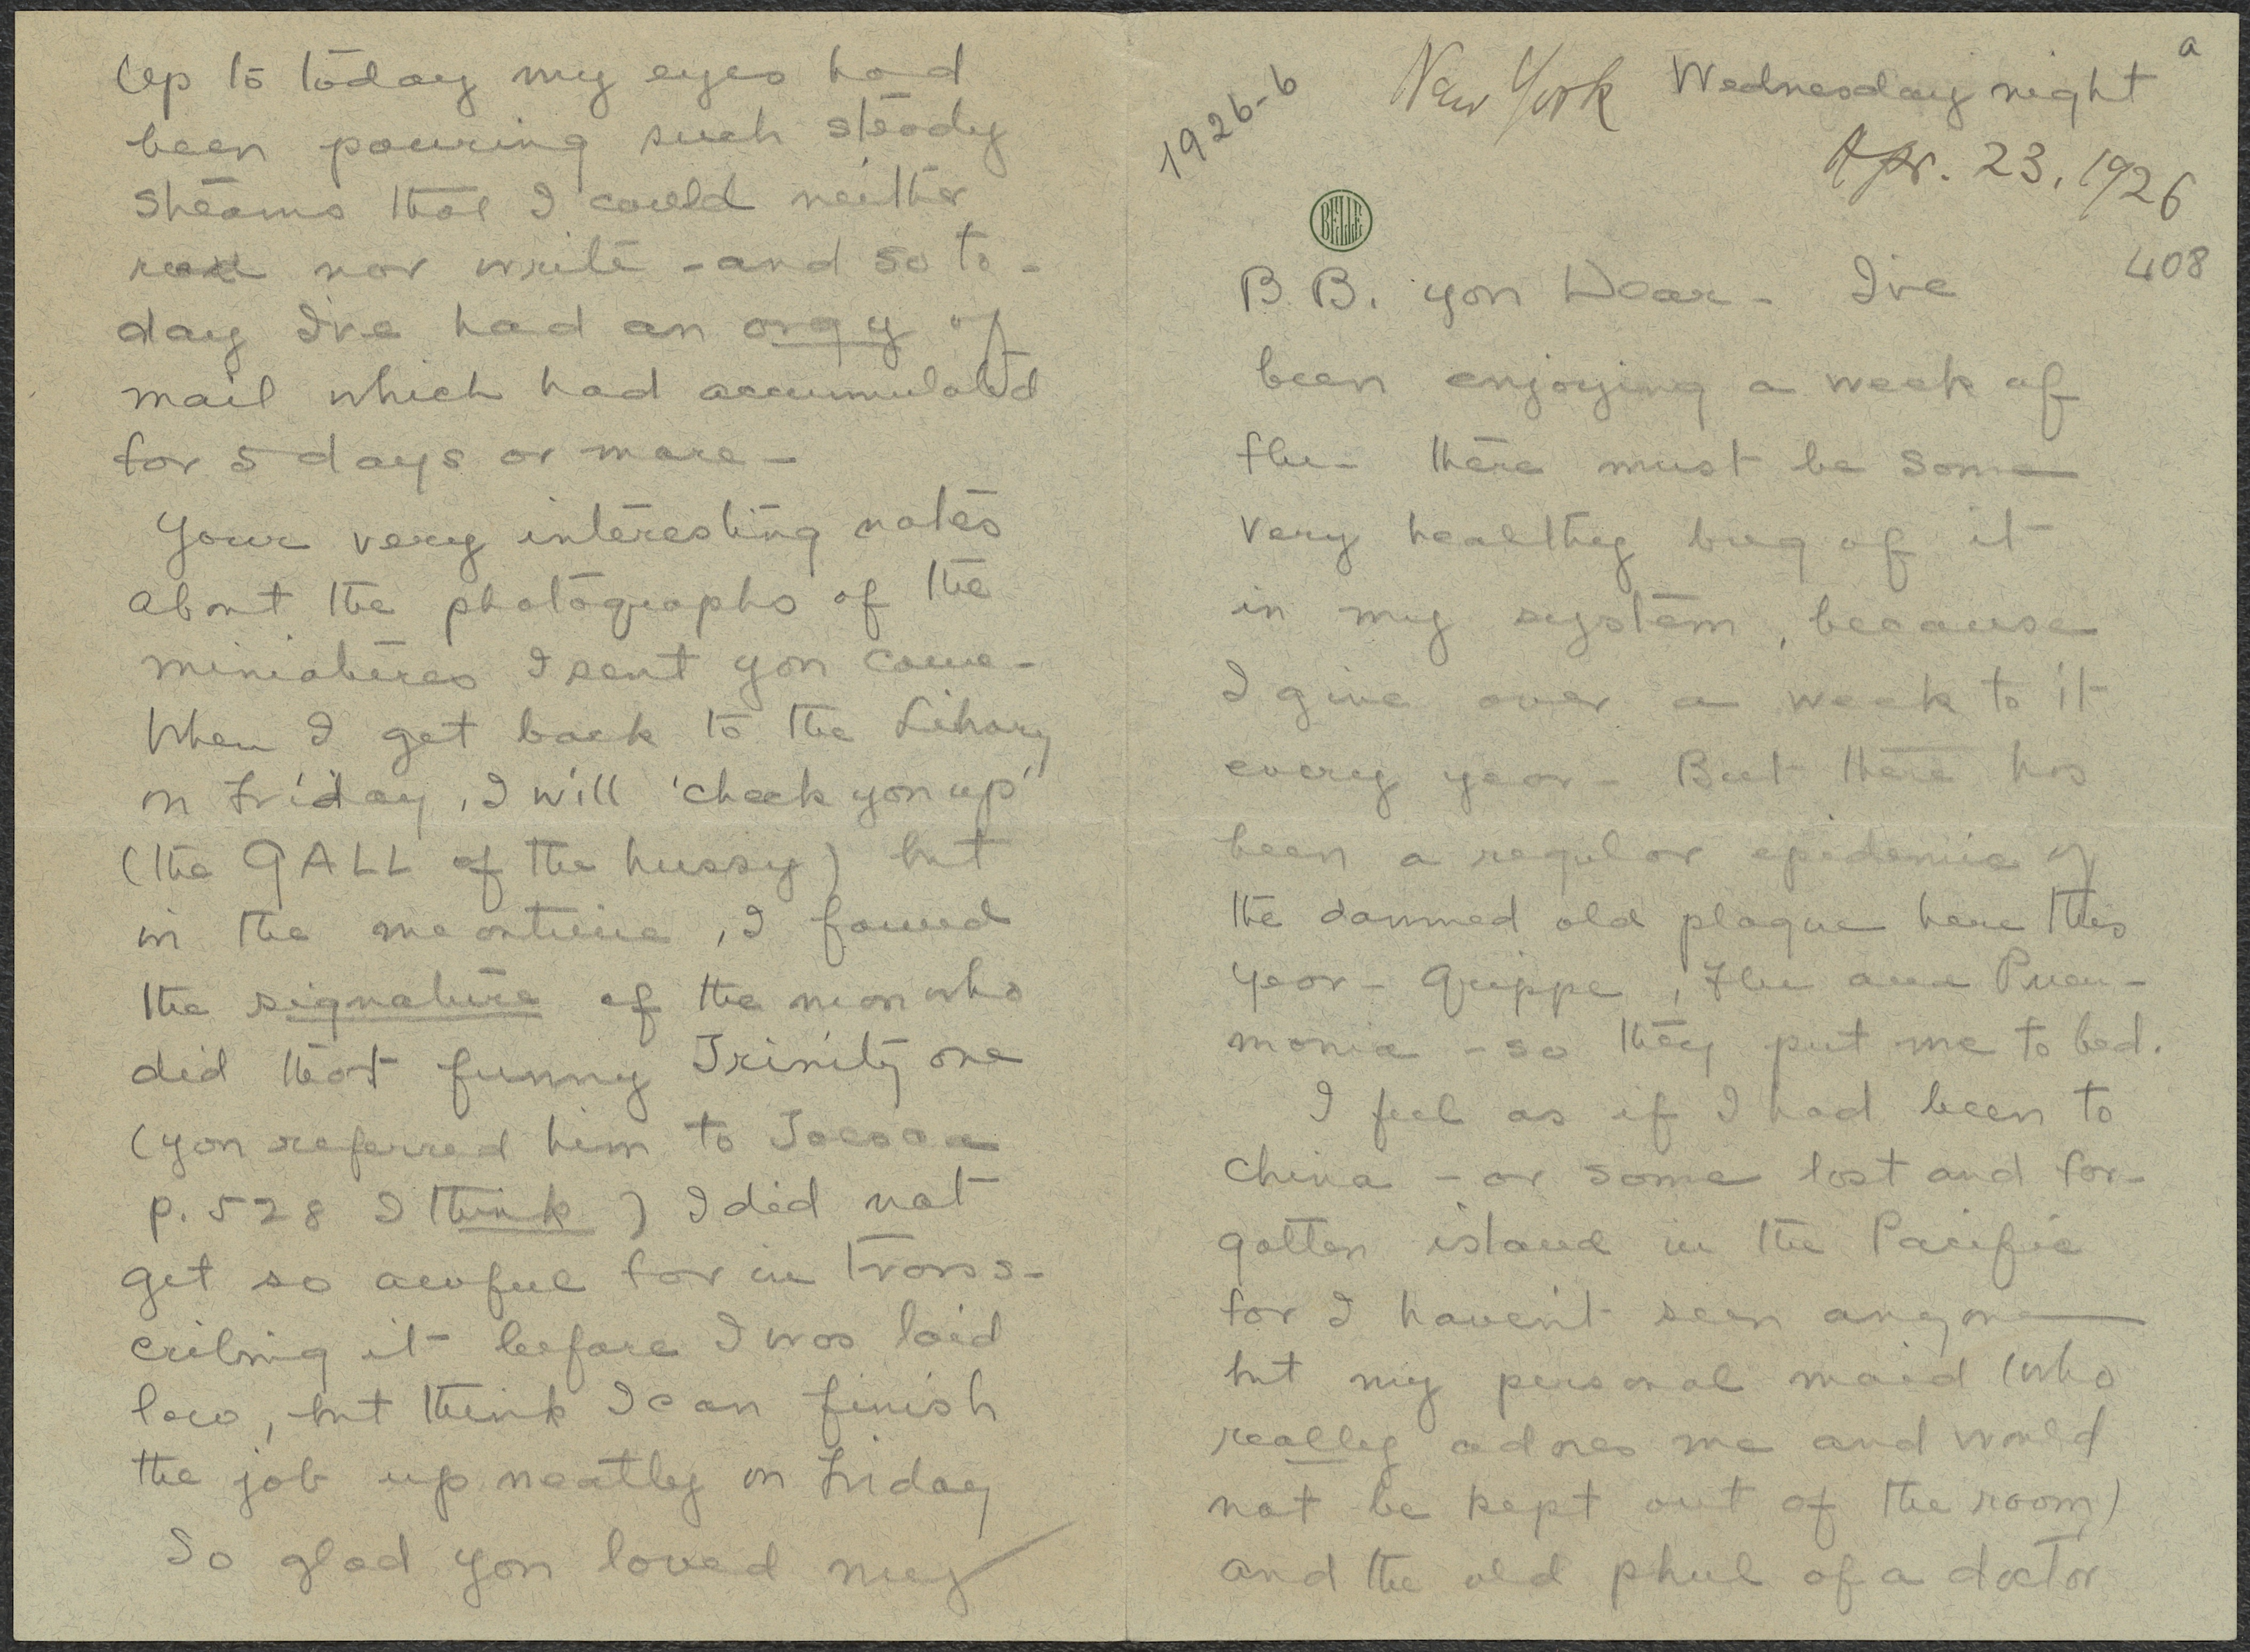Wednesday night
B.B. you Dear – I’ve been enjoying a week of flu – there must be some very healthy bug of it in my system, because I give over a week to it every year – But there has been a regular epidemic of the damned old plague here this year – Grippe, Flu and Pneumonia – so they put me to bed.
I feel as if I had been to China – or some lost and forgotten island in the Pacific for I haven’t seen anyone but my personal maid (who really adores me and would not be kept out of the room) and the old phul of a doctor
Up to today my eyes had been pouring such steady streams that I could neither read nor write – and so today I’ve had an orgy of mail which had accumulated for 5 days or more –
Your very interesting notes about the photographs of the miniatures I sent you came – When I get back to the Library on Friday, I will ‘check you up’ (the GALL of the hussy) but in the meantime, I found the signature of the man who did that funny Trinity one (you referred him to Tacoan [?] p. 528 I think) I did not get so awful for in transcribing it before I was laid low, but think I can finish the job up neatly on Friday
So glad you loved my